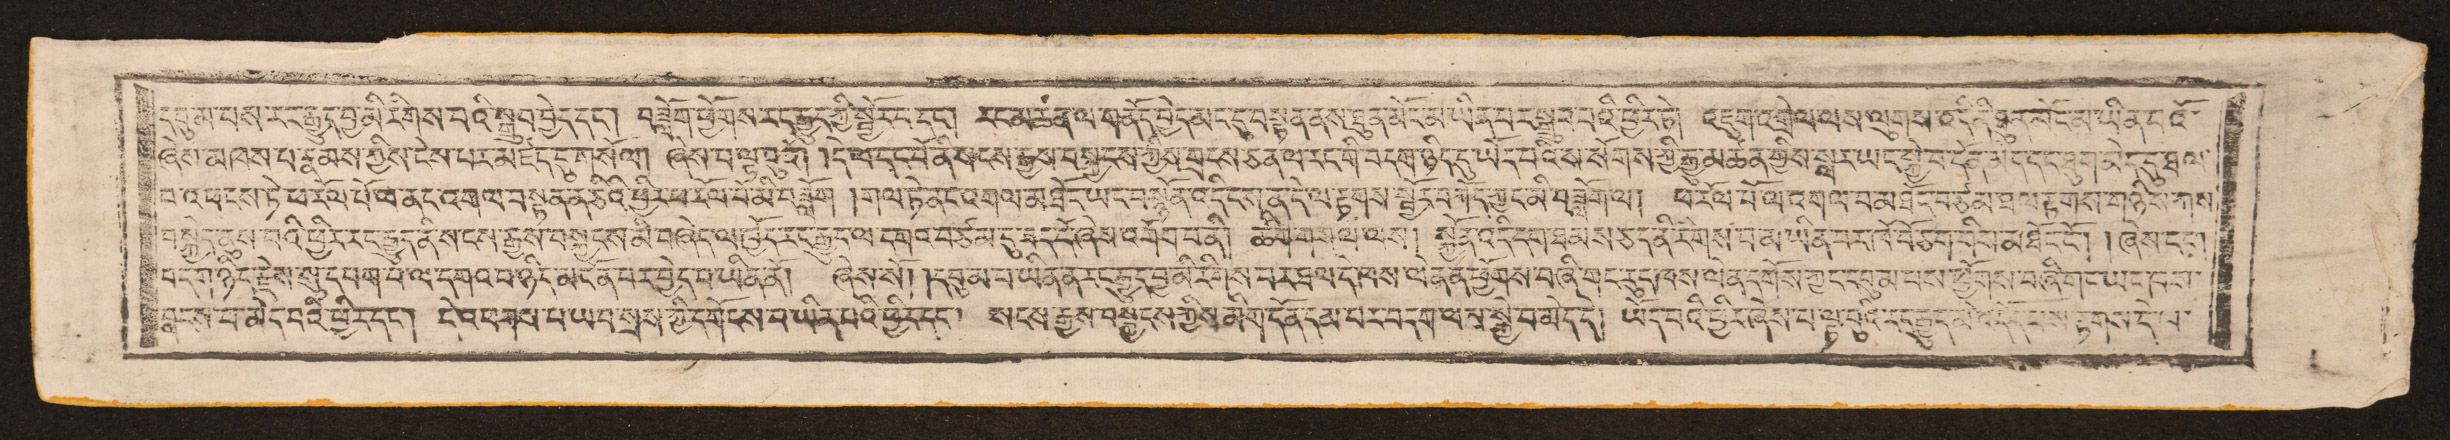དབུ་མ་བས་རང་རྒྱུད་བྱ་མི་རིགས་པའི་སྒྲུབ་བྱེད་དང་། བཟློག་ཕྱོགས་རང་རྒྱུད་ཀྱི་སྦྱོར་བ་དང་། རང་མཚན་ལ་གནོད་བྱེད་མང་དུ་བསྟན་ནས་ཐུན་མོང་མ་ཡིན་པར་སྒྲུབ་བའི་ཕྱིར་ཏེ། འཇུག་འགྲེལ་ལས་ལུགས་འདི་ནི་ཐུན་མོང་མ་ཡིན་པའོ་
ཞེས་མཁས་བ་རྣམས་ཀྱིས་ངེས་པར་མཛད་དུ་གསོལ། ཞེས་པ་ལྟ་བུའོ། །དེ་ལ་དང་པོ་ནི་སངས་རྒྱས་བསྐྱངས་ཀྱིས་གྲངས་ཅན་ལ་རང་གི་བདག་ཉིད་དུ་ཡོད་བའི་ས་སོགས་ཀྱི་རྒྱུ་མཚན་གྱིས་སླར་ཡང་སྐྱེ་བ་དོན་མེད་དང་ཐུག་མེད་དུ་ཐལ་
བ་འཕངས་ཏེ་ཕ་རོལ་པོ་ལ་ནང་འགལ་བསྟན་ན་ཅིའི་ཕྱིར་ཕ་རོལ་བོ་མི་བཟློག །གལ་ཏེ་ནང་འགལ་མཐོང་ཡང་བསྙོན་འདིངས་ན་དེ་ལ་རྟགས་སྦྱོར་བཀོད་ཀྱང་མི་བཟློག་ལ། ཕ་རོལ་བོ་ལ་འགལ་བ་མཐོང་བཙམ་ཐལ་རྟགས་གཉིས་ཀས་
བསྐྱིད་ནུས་བའི་ཕྱིར་རང་རྒྱུད་ནི་སངས་རྒྱས་བསྐྱངས་མི་བཞེད་ལ་ཁྱོད་རང་རྒྱུད་ལ་དགའ་བ་ཙམ་དུ་ཟད་དོ་ཞེས་འགོག་པ་ནི། ཚིག་གསལ་ལས། སྐྱོན་འདི་དག་ཐམས་ཅད་ནི་རིགས་བ་མ་ཡིན་པར་ཁོ་བོ་ཅག་གིས་མཐོང་ངོ། །ཞེས་དང་
བདག་ཉིད་རྗེས་སུ་དབག་?་བ་ལ་དགའ་བ་ཉིད་མངོན་བར་བྱེད་པ་ཡིན་ནོ། ཞེས་སོ། །དབུ་མ་བ་ཡིན་ན་རང་རྒྱུར་བྱ་མི་རིགས་པར་ཐལ་དེ་ཁས་ལེན་ན་ཕྱོགས་བཞི་གང་རུང་ཁས་ལེན་དགོས་ཀྱང་དབུ་མ་པས་ཕྱོགས་བཞི་གང་ཡང་ཁས་
བླངས་བ་མེད་པའི་ཕྱིར་དང་། དེ་འཕགས་བ་ཡབ་སྲས་ཀྱི་དགོངས་བ་ཡིན་པའི་ཕྱིར་དང་། སངས་རྒྱས་བསྐྱངས་ཀྱིས་མིག་དོན་དམ་བར་བདག་ལས་སྐྱེ་བ་མེད་དེ། ཡོད་པའི་ཕྱིར་ཞེས་པ་ལྟ་བུའི་རང་རྒྱུད་མེ་འདོད་པས་རྟགས་དེ་པ་